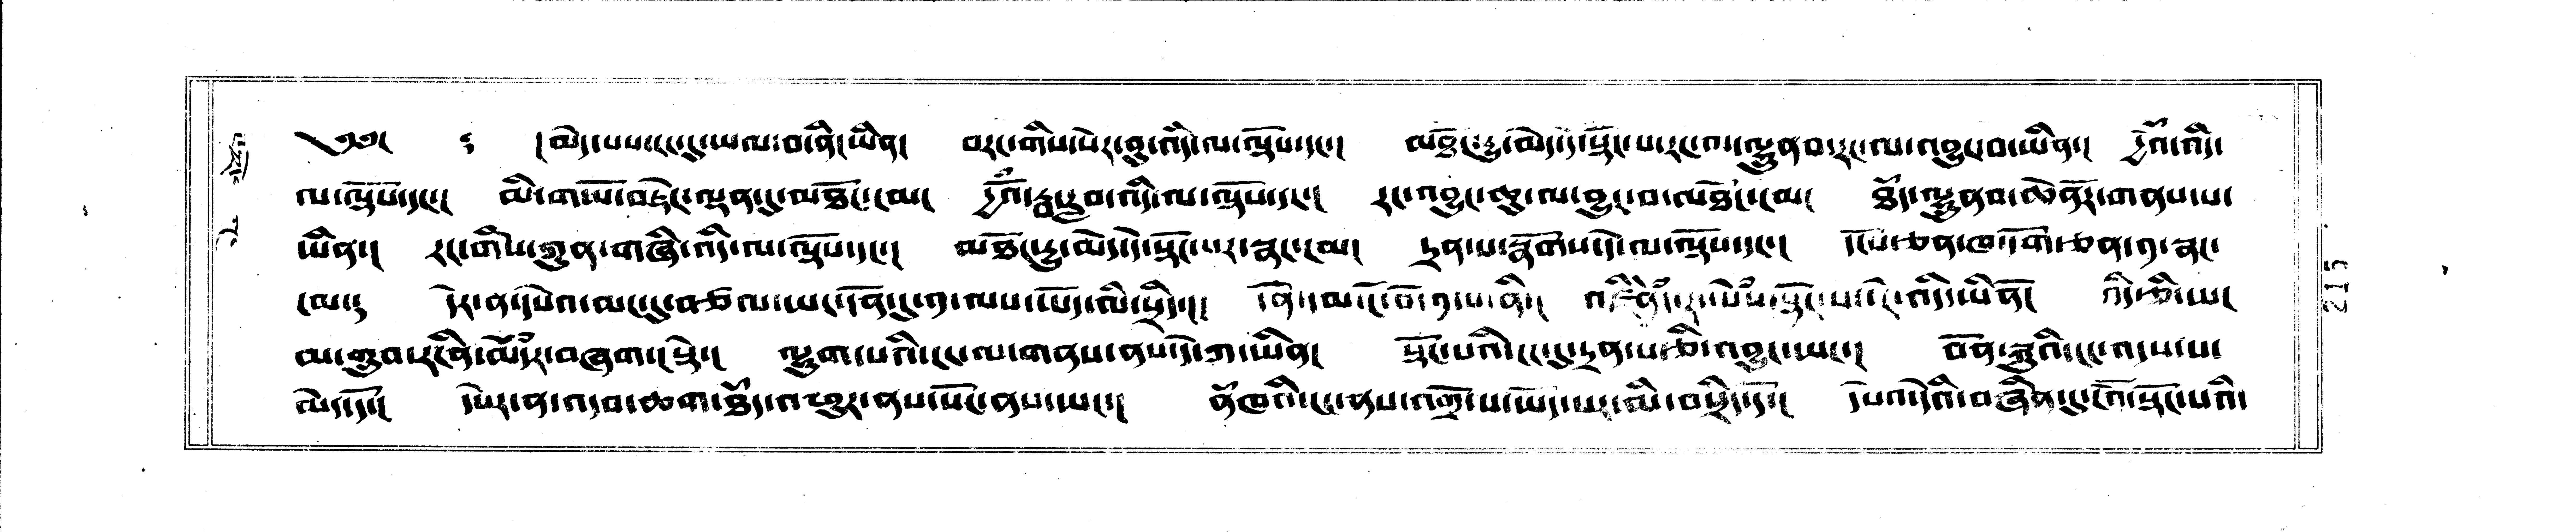མེད་པའི་ངང་དུ་ཡལ་བ་ཡིན། བར་སྣང་གི་རླུང་དང་སེར་བུ་འདི་ལ་ལྟོས་དང་། མཐོང་རྒྱུ་མེད་དེ་སྟོང་པ་ལྷུན་གྲུབ་ངང་ལས་འབྱུང་བ་ཡིན། རྒྱ་མཚོའི་འདི་
ལ་ལྟོས་དང་། མི་གཡོ་ལྡིང་‘‘རྡེང་’’ལྡན་དུ་མཐོང་ངམ། རྒྱ་མཚོ་ཡི་རྦ་རླབ་འདི་ལ་ལྟོས་དང་། རང་འབྱུང་ཆུ་ལ་འབྱུང་པ་མཐོང་ངམ། ཐམས་ཅད་ལྷུན་གྲུབ་ཆེན་པོར་གནས་པ་
ཡིན། རང་གི་ཀུན་གཞི་འདི་ལ་ལྟོས་དང་། མཐོང་རྒྱུ་མེད་དེ་སྟོང་པར་སྣང་ངམ། དྲན་པ་སྣ་ཚོགས་དེ་ལ་ལྟོས་དང་། དངོས་བཅས་ཁ་དོག་ཅན་ཞིག་སྣང་
ངམ། མདོར་ན་དཔེ་མང་དུ་བཙལ་ཡང་དོན་དུ་གཅིག་ལས་ཡོད་མི་སྲིད་དོ། དོན་དམ་ངོའོ་གཅིག་པ་ནི། འཛིན་མེད་རང་སེམས་སྟོང་སལེ་བ་འདི་ཡིན། འདི་ཅིར་ཡང་
མ་གྲུབ་རང་བཞིན་མེད་པར་བཞག་སྟེ། ལྷུག་པའི་ངང་ལ་གནས་ན་དེ་ཀ་ཡིན་ནོ། སྟོང་པའི་ངང་དུ་དྲན་པ་ཅི་འགྱུ་ཡང་བོན་སྐུའི་ངང་ལས་འདས་ཏེ་
མེད་དོ། དཔེའ་ན་འདབ་ཆགས་ཐམས་ཅད་འཕུར་ནས་སོང་ན་ཡང་ནམ་མཁའི་ངང་ལས་འགྲོ་ས་ཡོད་མི་སྲིད་དོ། དཔེ་དེ་བཞིན་དུ། ངོའོ་སྟོང་པའི་